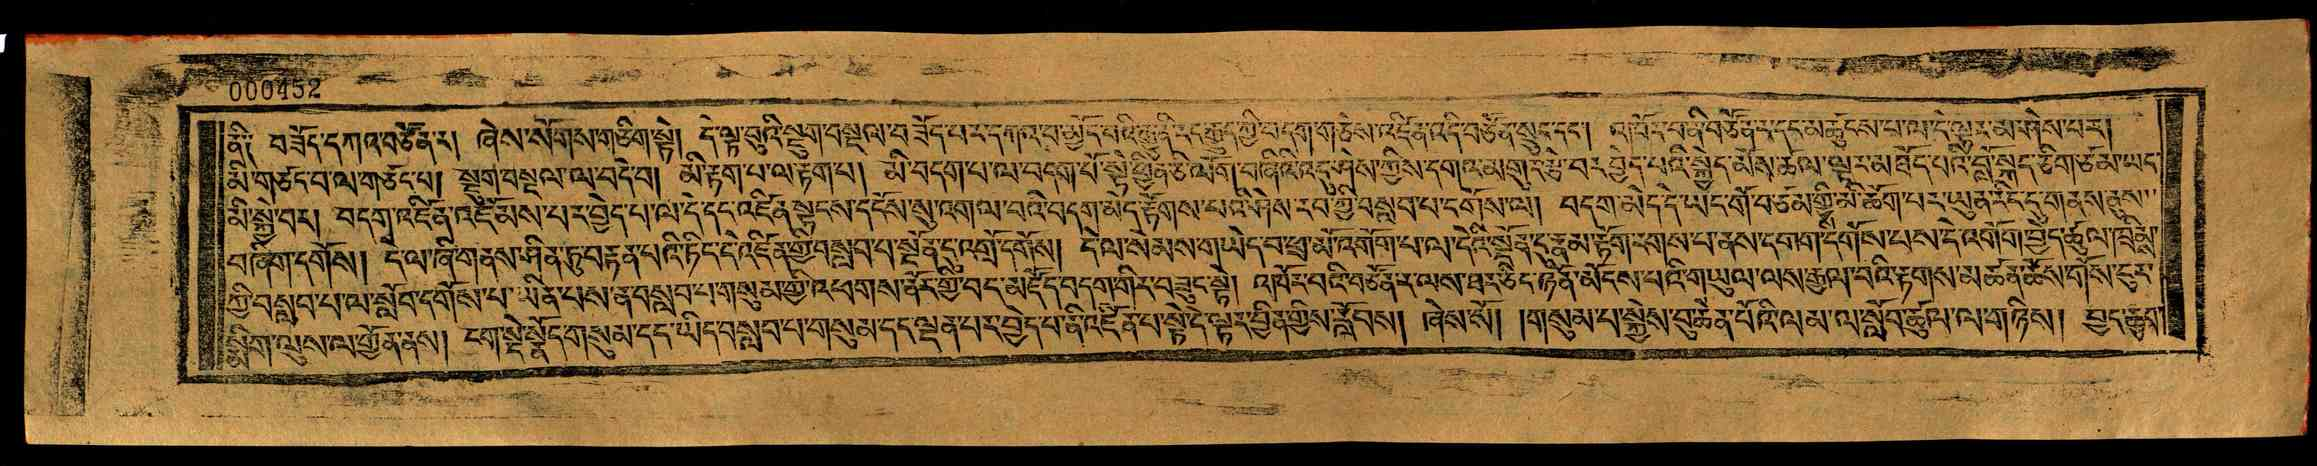ནི༑ བཟོད་དཀའ་བཙོན་ར། ཞེས་སོགས་གཅིག་སྟེ། དེ་ལྟ་བུའི་སྡུག་བསྔལ་བཟོད་པར་དཀའ་བ་མྱོང་བའི་རྒྱུ་ནི་རང་རྒྱུད་ཀྱི་བདག་གཅེས་འཛིན་འདི་བཙོན་སྲུང་དང་། འཁོར་བ་ནི་བཙོན་ར་དང་མཚུངས་པ་ལ་དེ་ལྟར་མ་ཤེས་པར།
མི་གཙང་བ་ལ་གཙང་བ། སྡུག་བསྔལ་ལ་བདེ་བ། མི་རྟག་པ་ལ་རྟག་པ། མི་བདག་པ་ལ་བདག་པོ་སྟེ་ཕྱིན་ཅི་ལོག་བཞིའི་འདུ་ཤེས་ཀྱིས་དགའ་མགུར་རྩེ་བར་བྱེད་པའི་སྐྱེད་མོས་ཚལ་ལྟར་མཐོང་བའི་བློ་སྐད་ཅིག་ཙམ་ཡང་
མི་སྐྱེ་བར། བདག་འཛིན་འཇོམས་པར་བྱེད་པ་ལ་དེ་དང་འཛིན་སྟངས་དངོས་སུ་འགལ་བའི་བདག་མེད་རྟོགས་པའི་ཤེས་རབ་ཀྱི་བསླབ་པ་དགོས་ལ། བདག་མེད་དེ་ཡང་གོ་བ་ཙམ་གྱི་མིས་ཆོག་པར་ཡུན་རིང་དུ་གནས་ནུས་
པ་ཞིག་དགོས། དེ་ལ་ཞི་གནས་ཤིན་ཏུ་བརྟན་པའི་ཏིང་ངེ་འཛིན་གྱི་བསླབ་པ་སྔོན་དུ་འགྲོ་དགོས། དེ་ལ་སེམས་གཡེང་བ་ཕྲ་མོ་འགོག་པ་ལ་དེའི་སྔོན་དུ་རྣམ་རྟོག་རགས་པ་ནས་དགག་དགོས་པས་དེ་འགོག་བྱེད་ཚུལ་ཁྲིམས་
ཀྱི་བསླབ་པ་ལ་སློབ་དགོས་པ་ཡིན་པས་ན་བསླབ་པ་གསུམ་གྱི་འཕགས་ནོར་གྱི་བང་མཛོད་བདག་གིར་བཟུང་སྟེ། འཁོར་བའི་བཙོན་ར་ལས་ཐར་ཅིང་ཉོན་མོངས་པའི་གཡུལ་ལས་རྒྱལ་བའི་རྟགས་མཚན་ཆོས་གོས་ངུར་
སྨིག་ལུས་ལ་གྱོན་ནས། ངག་སྡེ་སྣོད་གསུམ་དང་ཡིད་བསླབ་པ་གསུམ་དང་ལྡན་པར་བྱེད་པ་ནི་འཛིན་པ་སྟེ་དེ་ལྟར་བྱིན་གྱིས་རློབས། ཞེས་སོ། །གསུམ་པ་སྐྱེས་བུ་ཆེན་པོའི་ལམ་ལ་སློབ་ཚུལ་ལ་གཉིས། བྱང་ཆུབ་